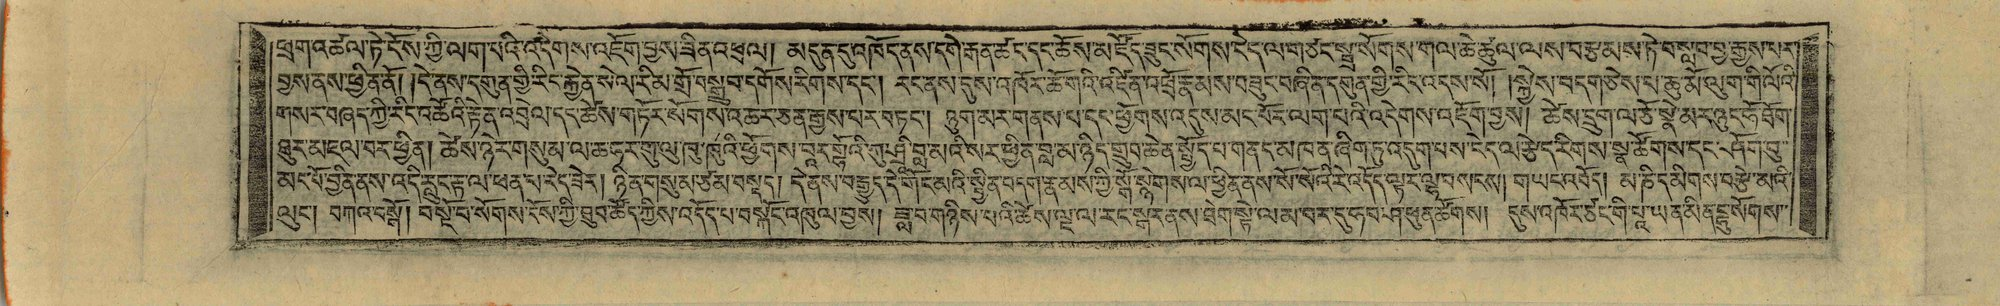ཕྲག་འཚལ་ཏེ་ངོས་ཀྱི་ལག་པའི་འདེགས་འཇོག་བྱས་ཟིན་འཕྲལ། མདུན་དུ་འཁོད་ནས་དགེ་རྒན་ཚང་དང་ཆོས་མཛོད་ཟུང་སོགས་ངེད་ལ་གཙང་སྤྲ་སོགས་གལ་ཆེ་ཚུལ་ལས་བརྩམས་ཏེ་བསླབ་བྱ་རྒྱས་པར་
བྱས་ནས་ཕྱིན་ནོ། །དེ་ནས་དགུན་གྱི་རིང་རྐྱེན་སེལ་རིམ་གྲོ་བསྒྲུབ་དགོས་རིགས་དང་། རང་ནས་དུས་འཁོར་ཆོ་གའི་འཛིན་འཕྲོ་རྣམས་བཟུང་བཞིན་དགུན་གྱི་རིང་འདས་སོ། །སྐྱེས་བདག་ཅེས་པ་ཆུ་མོ་ལུག་གི་ལོའི་
གསར་བཞད་ཀྱི་རིང་འཚོའི་རྟེན་འབྲེལ་དང་ཚེས་གཏོར་སོགས་འཆར་ཅན་རྒྱས་པར་བཏང་། ཉུག་མར་གནས་པ་དང་ཕྱོགས་འདུས་མང་པོར་ལག་པའི་འདེགས་འཇོག་བྱས། ཚེས་དྲུག་ལ་ཅོ་སྣེ་མར་ཉུང་ཧོ་ཐོག་
ཐུར་མཇལ་བར་ཕྱིན། ཚེས་ཉེར་གསུམ་ལ་ཆ་ཧར་གུ་ལུ་ཁུ་ཁུའི་ཕྱོགས་བཱར་གྷོའི་ཀུ་ཤྲཱི་བླ་མའི་སར་ཕྱིན་བླ་མ་ཉིད་གྲུབ་ཆེན་སྤྱོད་པ་གནང་མཁན་ཞིག་ཏུ་འདུག་པས་ངེད་ལ་རྩེད་རིགས་སྣ་ཚོགས་དང་ཤོག་བུ་
མང་པོ་བྱིན་ནས་འདི་རླུང་རྟ་ལ་ཕན་པ་རེད་ཟེར། ཉིན་གསུམ་ཙམ་བསྡད། དེ་ནས་བརྒྱུད་དེ་གོང་མའི་སྦྱིན་བདག་རྣམས་ཀྱི་སྒོ་སྙེགས་ལ་ཕྱིན་ནས་སོ་སོའི་རེ་འདོད་ལྟར་ལྷ་བསངས། གཡང་འབོད། མ་ཎི་དམིགས་བརྩེ་མའི་
ལུང་། བཀའ་བསྒོ། བསྔོ་བ་སོགས་ངོས་ཀྱི་ཐུབ་ཚོད་ཀྱིས་འདོད་པ་བསྐོང་འཁུལ་བྱས། ཟླ་བ་གཉིས་པའི་ཚེས་ལྔ་ལ་རང་སྒར་ནས་ཐེག་སྟེ་ལམ་བར་དུ་ཧབ་ཤ་ཕུན་ཚོགས། དུས་འཁོར་ཙང་གི་པཱ་ཡན་མིན་དྷུ་སོགས་